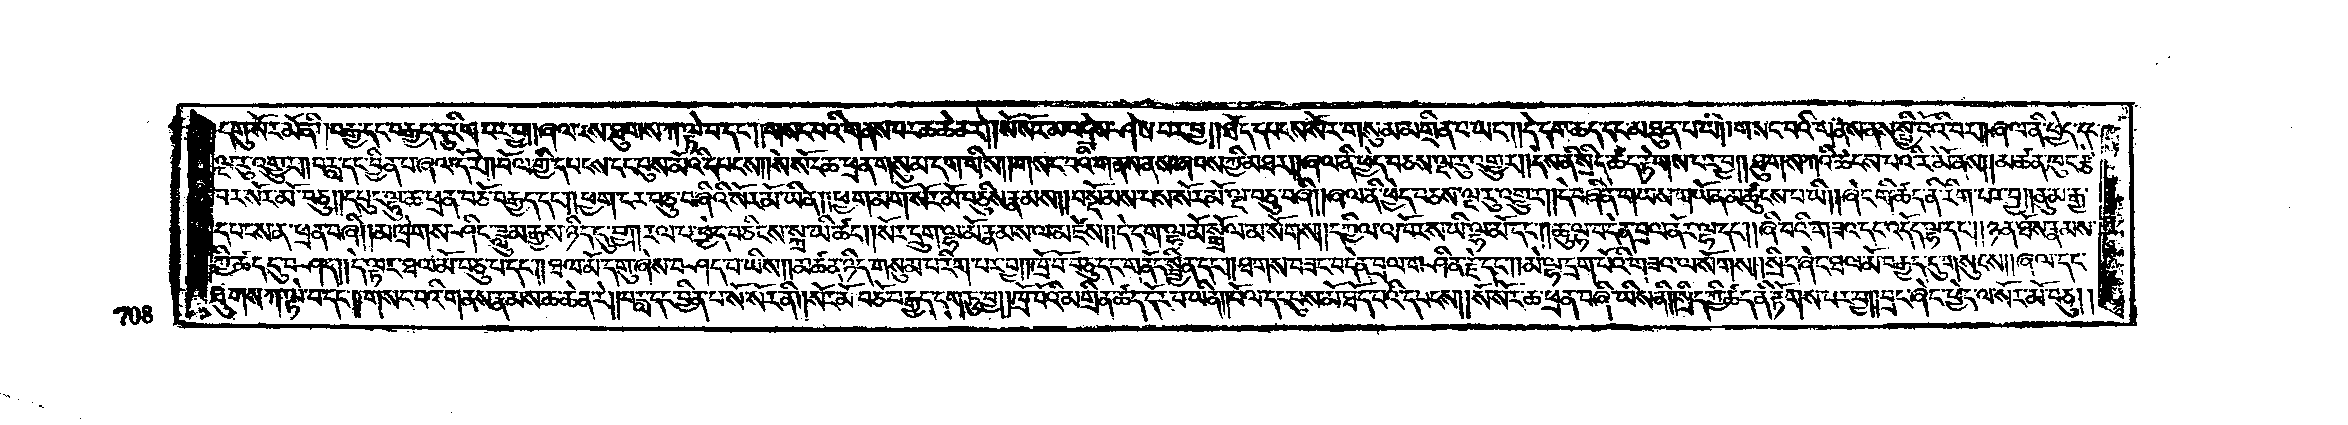དགུ་སོར་མོ་ནི། །བརྒྱ་དང་བརྒྱད་དུ་རིག་པར་བྱ། །ཞལ་རས་ཐུགས་ཀ་ལྟེ་བ་དང་། །གསང་བའི་གནས་པར་ཆ་ཆེན་རེ། །སོ་སོར་མ་འདྲེས་ཤེས་པར་བྱ། །ཐོད་དཔངས་སོར་གསུམ་མགྲིན་པ་ཡང་། །དེ་དག་ཆད་དང་མཐུན་པ་ཡི། །གསང་བའི་གནས་ནས་སྤྱི་བོའི་བར། །ཞལ་ནི་ཕྱེད་དང་
ལྔ་རུ་འགྱུར། །བརླ་དང་བྱིན་པ་ཞལ་དོ་རེ། །བོལ་གྱི་དཔངས་དང་པུས་མོའི་དཔངས། །སོ་སོར་ཆ་ཕྲན་གསུམ་དག་གིས། །གསང་བའི་གནས་ནས་ཞབས་ཀྱི་མཐར། །ཞལ་ནི་ཕྱེད་བཅས་ལྔ་རུ་འགྱུར། །དེས་ནི་སྲིད་ཚད་རྟོགས་པར་བྱ། །ཐུགས་ཀའི་ཚངས་པའི་རི་མོ་ནས། །མཚན་ཁུང་རྩེ་
བར་སོར་མོ་བཅུ། །དཔུང་ལྷུ་ཆ་ཕྲན་བཅོ་བརྒྱད་དང་། །ཕྱག་ངར་བཅུ་བཞིའི་སོར་མོ་ཡིན། །ཕྱག་མགོ་སོར་མོ་བཅུ་གཉིས་རྣམས། །བསྡོམས་པས་སོར་མོ་ལྔ་བཅུ་བཞི། །ཞལ་ནི་ཕྱེད་བཅས་ལྔ་རུ་འགྱུར། །དེ་བཞིན་གཡས་གཡོན་མཚུངས་པ་ཡི། །ཞེང་གི་ཚད་ནི་རིག་པར་བྱ། །ནུ་མ་རྒྱ་
དཔངས་ན་ཕྲན་བཞི། །མཁྲེགས་ཤིང་ཟླུམ་རྒྱས་ཉིད་དུ་བྱ། །རལ་པ་ཕྱེད་བཅིངས་སྐྲ་ཡི་ཚང་། །སོར་དྲུག་ལྷ་མོ་རྣམས་ལ་མཛེས། །དེ་དག་ལྷ་མོ་སྒྲོལ་མ་སོགས། །དཀྱིལ་འཁོར་ས་ཡི་ལྷ་མོ་དང་། །ཆུ་ལྷ་བདེན་བྲལ་ནོར་ལྷ་དང་། །ཞི་བའི་གཟའ་དང་འདོད་ལྷ་དང་། །ཉན་ཐོས་རྣམས་
ཀྱི་ཚད་དུ་བཤད། །དེ་ལྟར་ཐལ་མོ་བཅུ་པ་དང་། །ཐལ་མོ་དགུ་ཞེས་བཤད་པ་ཡིས། །མཚན་ཉིད་གསུམ་པ་རིག་པར་བྱ། །ཁྲོ་བོ་བཅུ་དང་གནོད་སྦྱིན་དང་། །ཐགས་བཟང་བདེན་བྲལ་གཤིན་རྗེ་དང་། །མེ་ལྷ་དྲག་པོའི་གཟའ་ལ་སོགས། །སྲིད་ཞེང་ཐལ་མོ་བརྒྱད་དུ་གསུངས། །ཞལ་དང་
ཐུགས་ཀ་ལྟེ་བ་དང་། །གསང་བའི་གནས་རྣམས་ཆ་ཆེན་རེ། །བརླ་དང་བྱིན་པ་སོ་སོར་ནི། །སོར་མོ་བཅོ་བརྒྱད་དག་ཏུ་བྱ། །ཁྲོ་བོའི་མགྲིན་ཚད་དོར་བ་ཡིན། །བོལ་དང་པུས་མོ་ཐོད་པའི་དཔངས། །སོ་སོར་ཆ་ཕྲན་བཞི་ཡིས་ནི། །སྲིད་ཀྱི་ཚད་ནི་རྟོགས་པར་བྱ། །བྲང་ཞེང་ཕྱེད་ལ་སོར་མོ་བཅུ། །